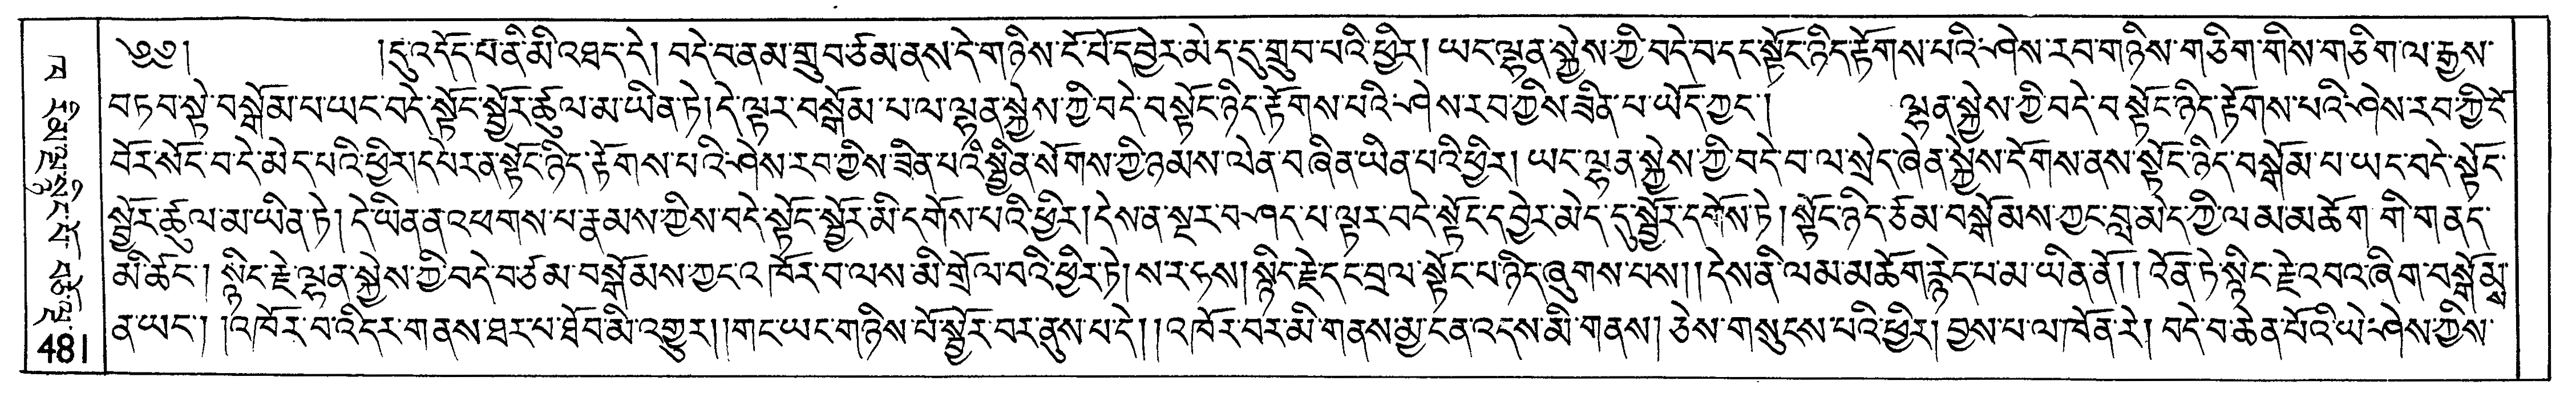༄༅། །དུ་འདོད་པ་ནི་མི་འཐད་དེ། བདེ་བ་ནམ་གྲུབ་ཙམ་ནས་དེ་གཉིས་ངོ་བོ་དབྱེར་མེད་དུ་གྲུབ་པའི་ཕྱིར། ཡང་ལྷན་སྐྱེས་ཀྱི་བདེ་བ་དང་སྟོང་ཉིད་རྟོགས་པའི་ཤེས་རབ་གཉིས་གཅིག་གིས་གཅིག་ལ་རྒྱས་
བཏབ་སྟེ་བསྒོམ་པ་ཡང་བདེ་སྟོང་སྦྱོར་ཚུལ་མ་ཡིན་ཏེ། དེ་ལྟར་བསྒོམ་པ་ལ་ལྷན་སྐྱེས་ཀྱི་བདེ་བ་སྟོང་ཉིད་རྟོགས་པའི་ཤེས་རབ་ཀྱིས་ཟིན་པ་ཡོད་ཀྱང་། ལྷན་སྐྱེས་ཀྱི་བདེ་བ་སྟོང་ཉིད་རྟོགས་པའི་ཤེས་རབ་ཀྱི་ངོ་
བོར་སོང་བ་དེ་མེད་པའི་ཕྱིར། དཔེར་ན་སྟོང་ཉིད་རྟོགས་པའི་ཤེས་རབ་ཀྱིས་ཟིན་པའི་སྦྱིན་སོགས་ཀྱི་ཉམས་ལེན་བཞིན་ཡིན་པའི་ཕྱིར། ཡང་ལྷན་སྐྱེས་ཀྱི་བདེ་བ་ལ་སྲེད་ཞེན་སྐྱེས་དོགས་ནས་སྟོང་ཉིད་བསྒོམ་པ་ཡང་བདེ་སྟོང་
སྦྱོར་ཚུལ་མ་ཡིན་ཏེ། དེ་ཡིན་ན་འཕགས་པ་རྣམས་ཀྱིས་བདེ་སྟོང་སྦྱོར་མི་དགོས་པའི་ཕྱིར། དེས་ན་སྔར་བཤད་པ་ལྟར་བདེ་སྟོང་དབྱེར་མེད་དུ་སྦྱོར་དགོས་ཏེ། སྟོང་ཉིད་ཙམ་བསྒོམས་ཀྱང་བླ་མེད་ཀྱི་ལམ་མཆོག་གི་གནད་
མི་ཚང་། སྙིང་རྗེ་ལྷན་སྐྱེས་ཀྱི་བདེ་བ་ཙམ་བསྒོམས་ཀྱང་འཁོར་བ་ལས་མི་གྲོལ་བའི་ཕྱིར་ཏེ། ས་ར་ཧས། སྙིང་རྗེ་དང་བྲལ་སྟོང་པ་ཉིད་ཞུགས་པས། །དེས་ནི་ལམ་མཆོག་རྙེད་པ་མ་ཡིན་ནོ། །འོན་ཏེ་སྙིང་རྗེ་འབའ་ཞིག་བསྒོམས་
ན་ཡང་། །འཁོར་བ་འདིར་གནས་ཐར་པ་ཐོབ་མི་འགྱུར། །གང་ཡང་གཉིས་པོ་སྦྱོར་བར་ནུས་པ་དེ། །འཁོར་བར་མི་གནས་མྱ་ངན་འདས་མི་གནས། ཅེས་གསུངས་པའི་ཕྱིར། བྱས་པ་ལ་ཁོ་ན་རེ། བདེ་བ་ཆེན་པོའི་ཡེ་ཤེས་ཀྱིས་